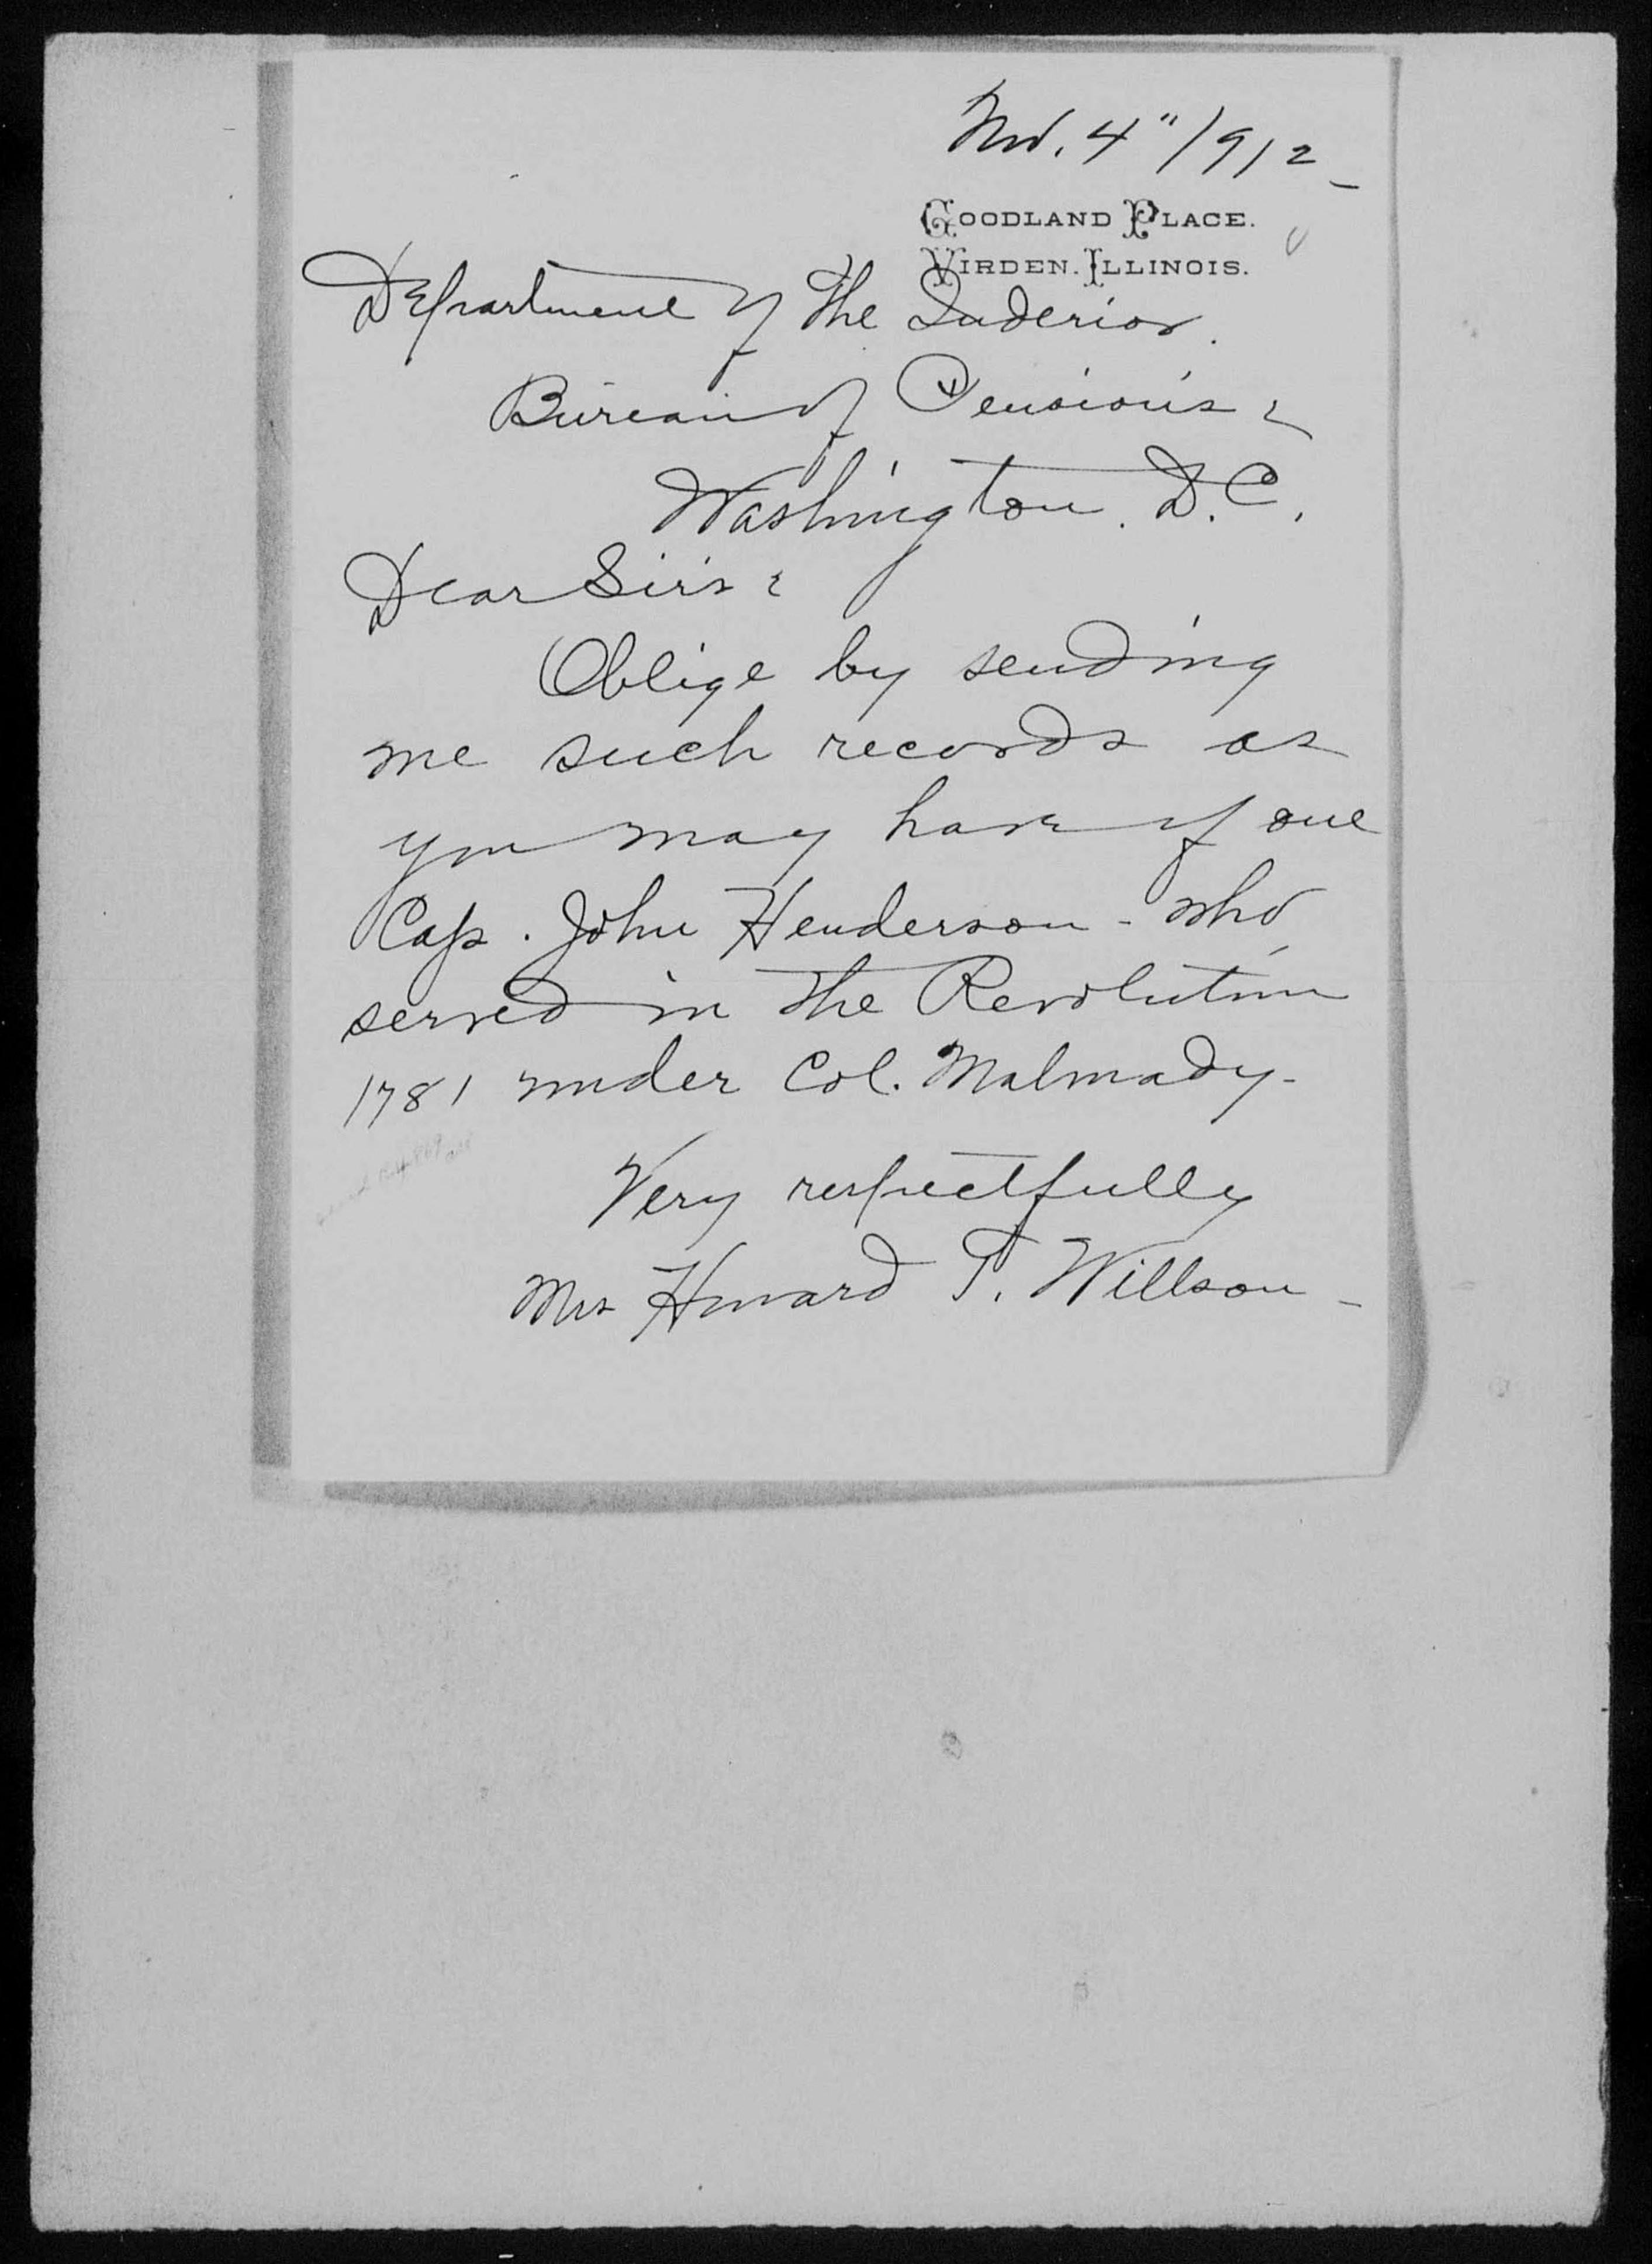Nov. 4 " 1912 _

GOODLAND PLACE.
VIRDEN, ILLINOIS.

Department of the Interior
Bureau of Pensions
Washington D.C.

Dear Sir

Oblige by sending
me such records as
you may have of one
Cap. John Henderson - who
served in the Revolution
1781 under Col. Malmady - 

Very respectfully

Mrs Howard T. Willson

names: Howard T Willson, John Henderson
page: 40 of 40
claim: rejected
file: R. 4,869, John Henderson, S.C.